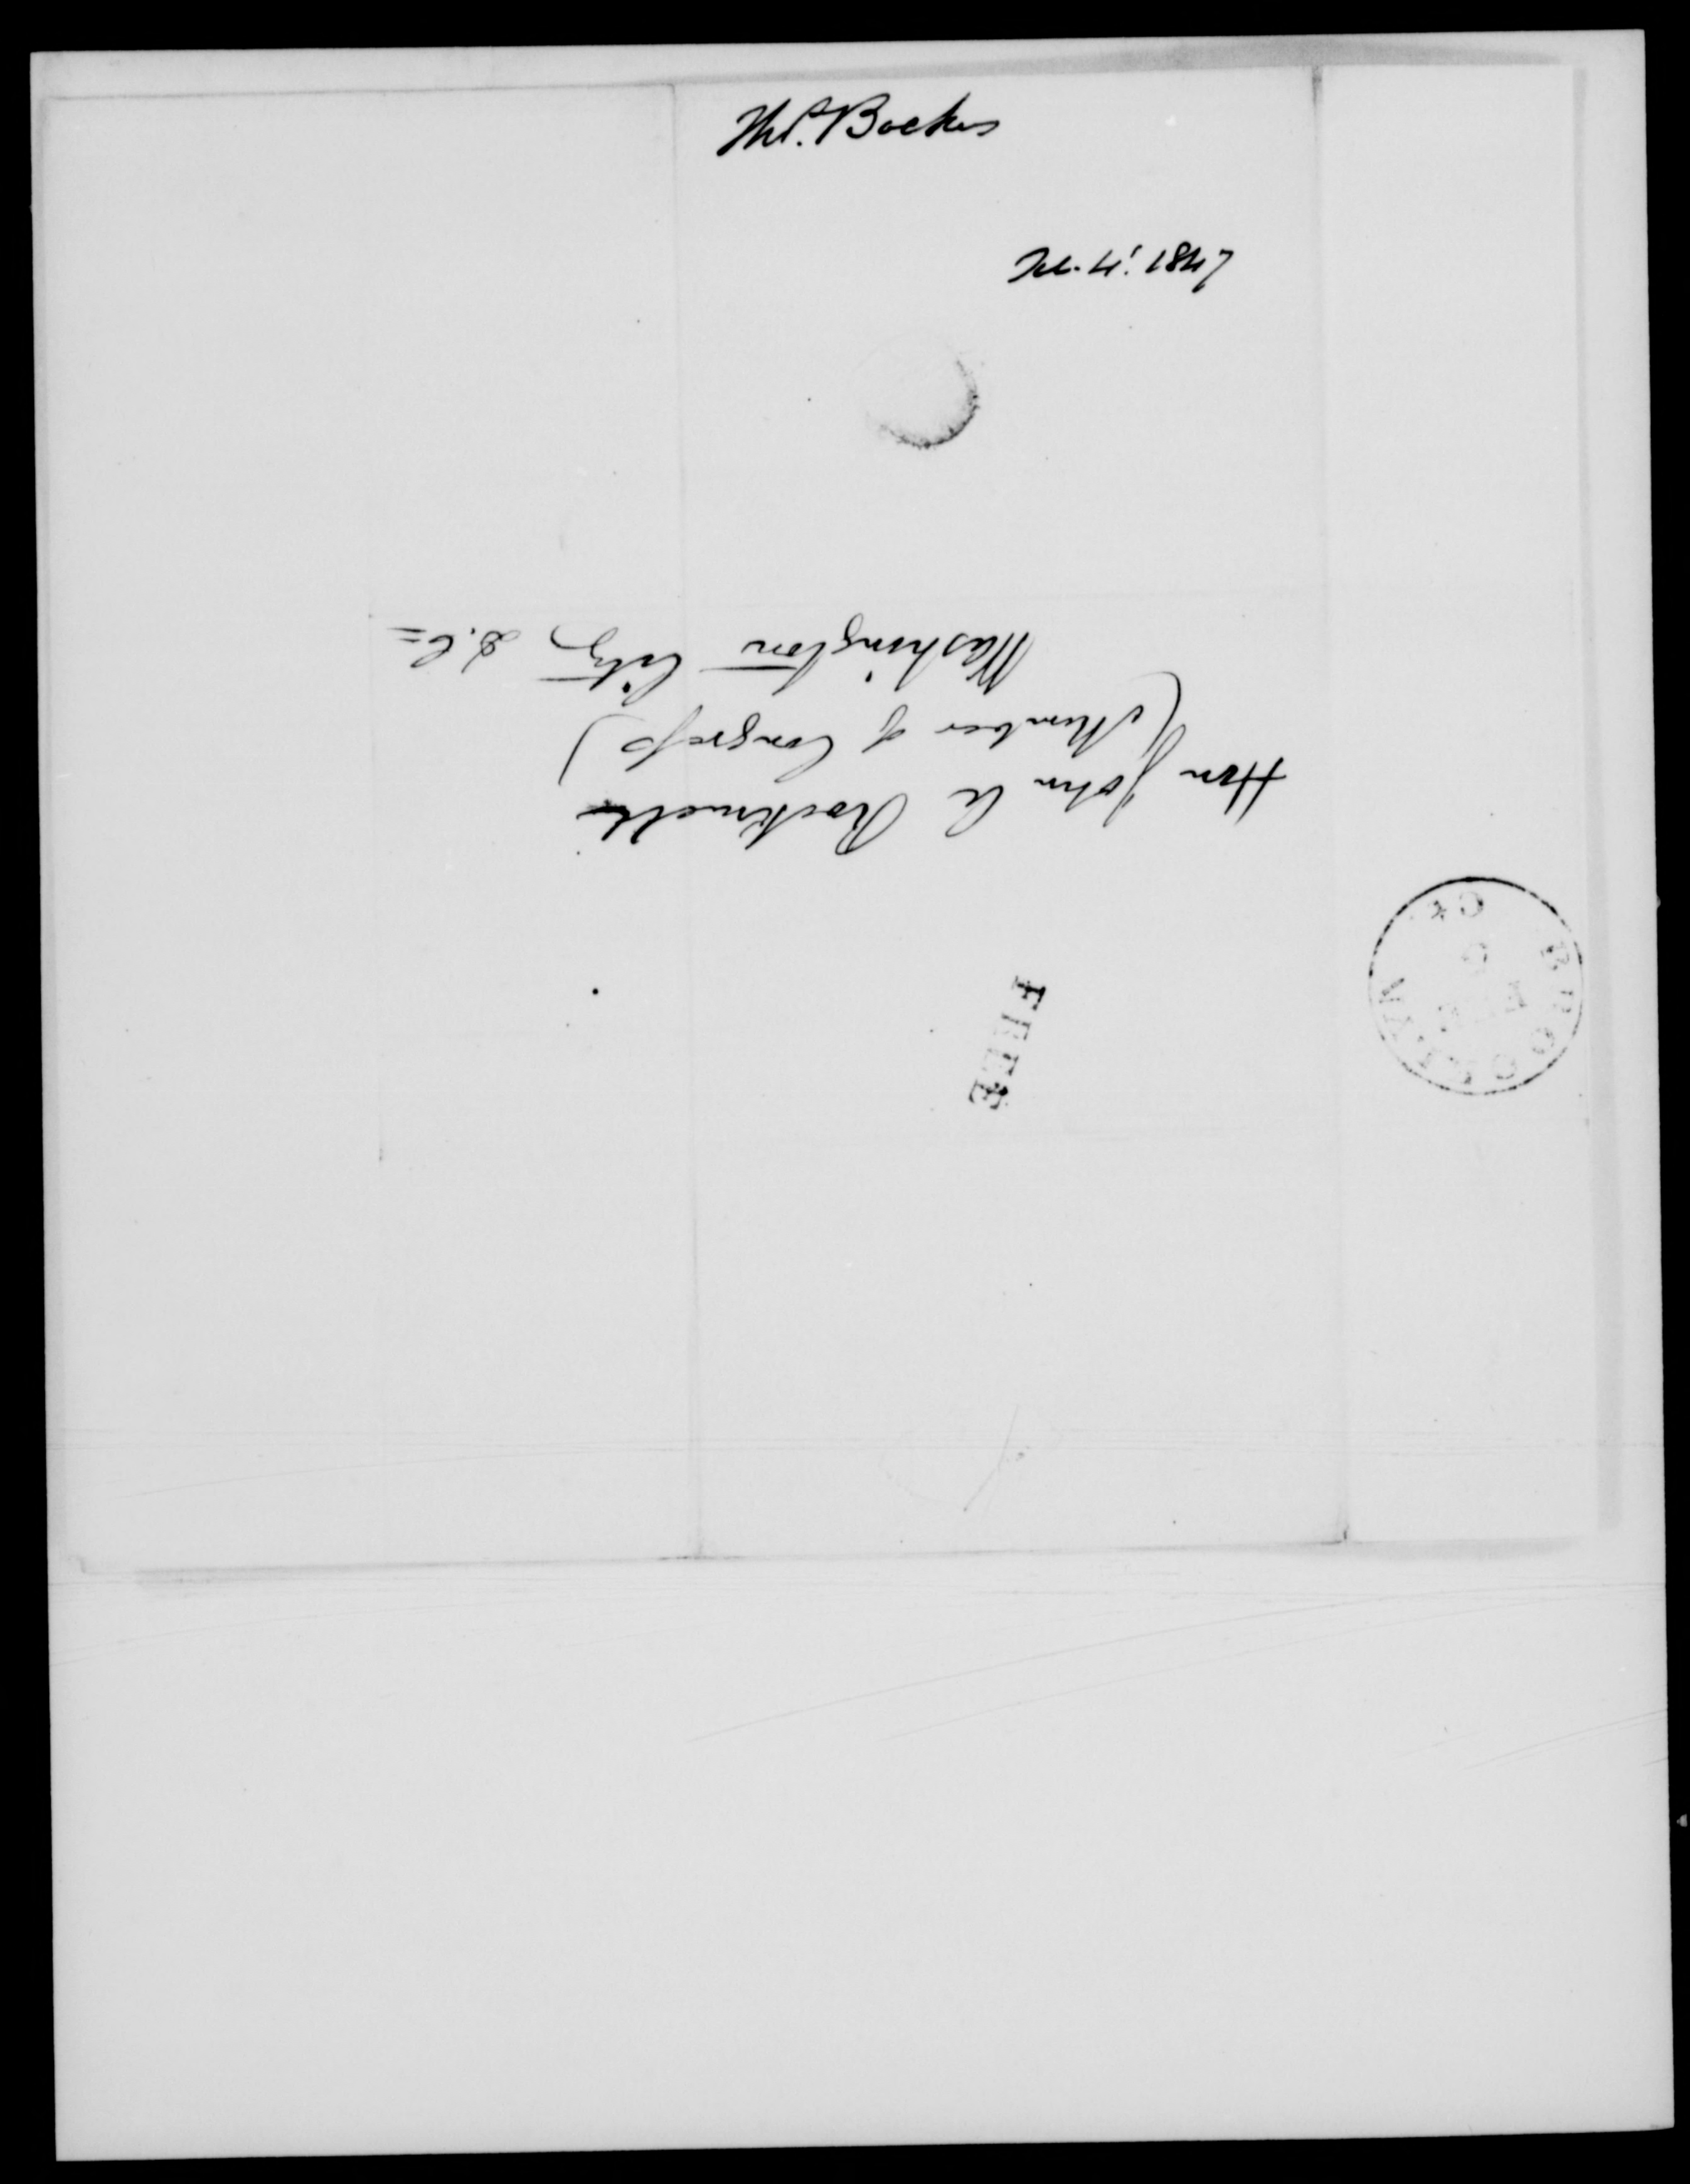Th Backus

Feb 4. 1847

Hon John A Rockwell
(Member of Congress)
Washington Ciity D. C.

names: John A Rockwell, Thos Bockes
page: 29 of 53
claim: widow's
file: W 17707, Benjamin Weaver, R.I.